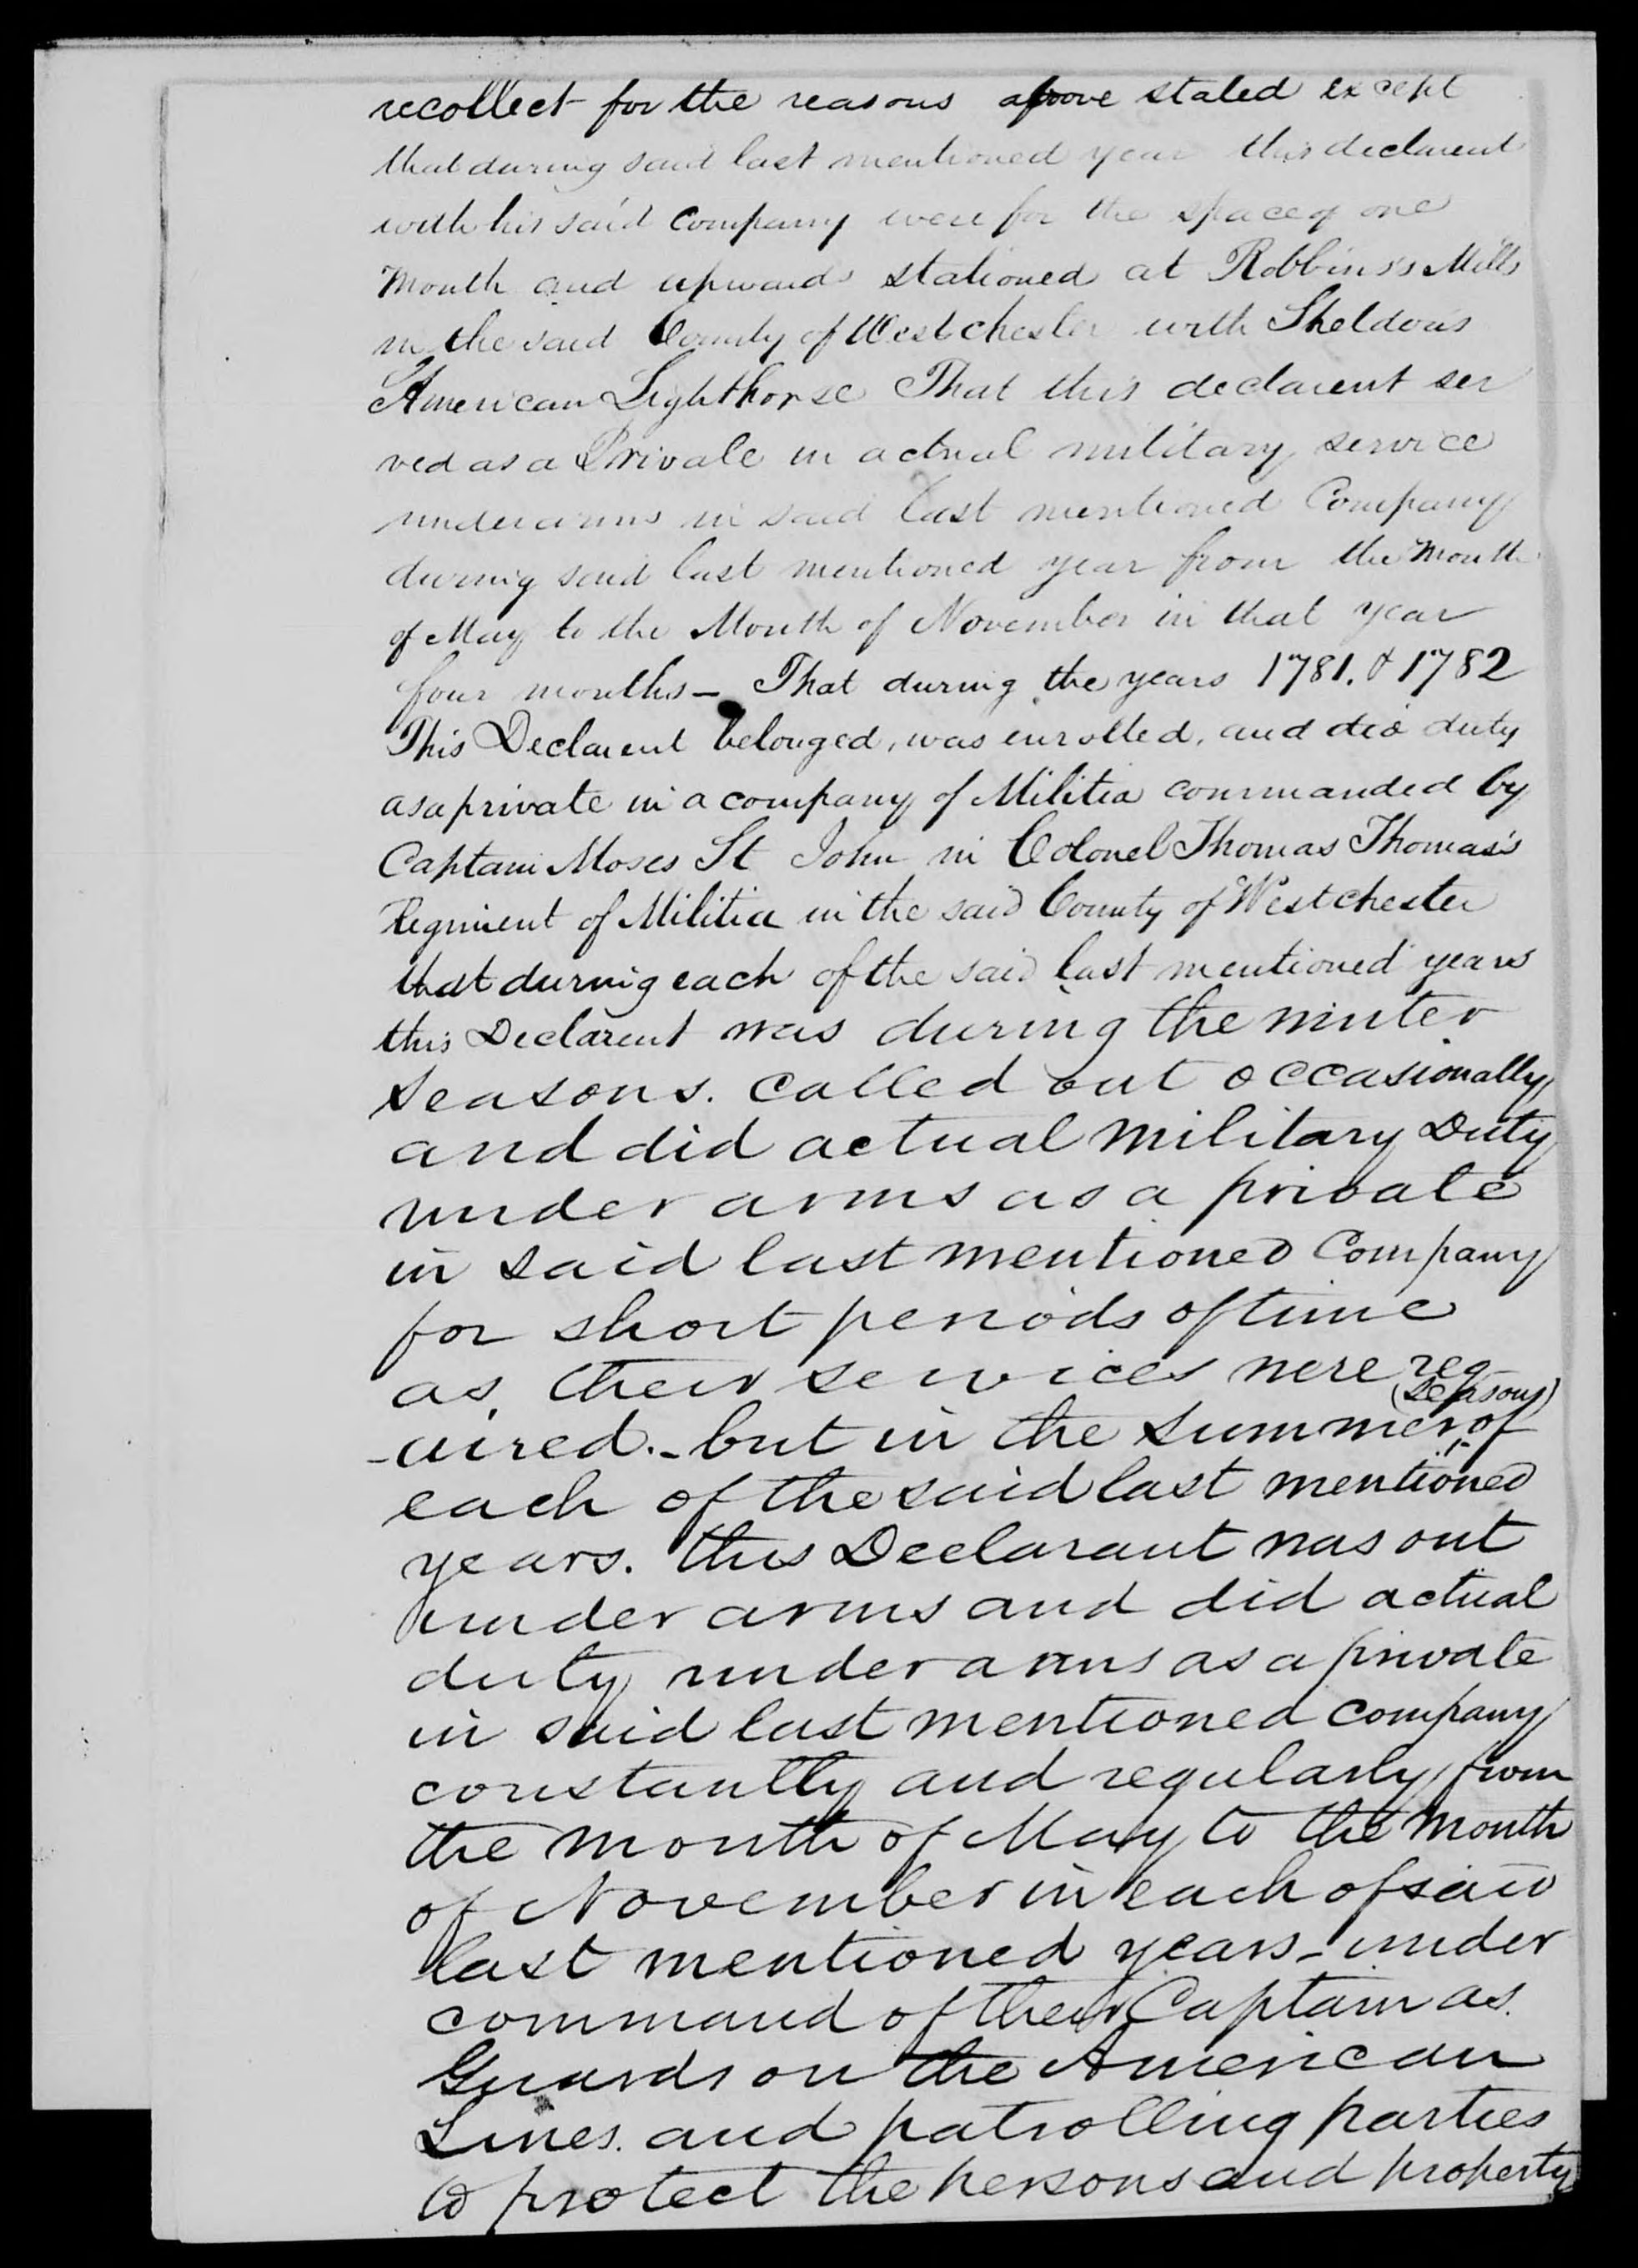recollect for the reasons above stated except that during said last mentioned year this declarent with his said Company were for the space of one Month and upwards stationed at Robbins's Mills in the said County of Westchester with Sheldon's American Lighthorse That this declarant served as a Private in actual military service under arms in said last mentioned Company during said last mentioned year from the Month of May to the Month of November in that year four months - That during the years 1781 & 1782 This Declarent belonged, was enrolled, and did duty as a private in a company of Militia commanded by Captain Moses St John in Colonel Thomas Thomas's Regiment of Militia in the said County of Westchester that during each of the said last mentioned years this Declarent was during the winter seasons called out occasionally and did actual military Duty, under arms as a private in said last mentioned Company for short periods of time as their services were required - but in the summer ^seasons of each of the said last mentioned years, this Declarant was out under arms and did actual duty under arms as a private in said last mentioned company constantly and regularly from the month of May to the month of November in each of said last mentioned years - under command of their Captain as Guards on the American Lines, and patrolling parties to protect the persons and property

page: 8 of 33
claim: rejected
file: R. 7,063, for Elisha B Maynard, New York